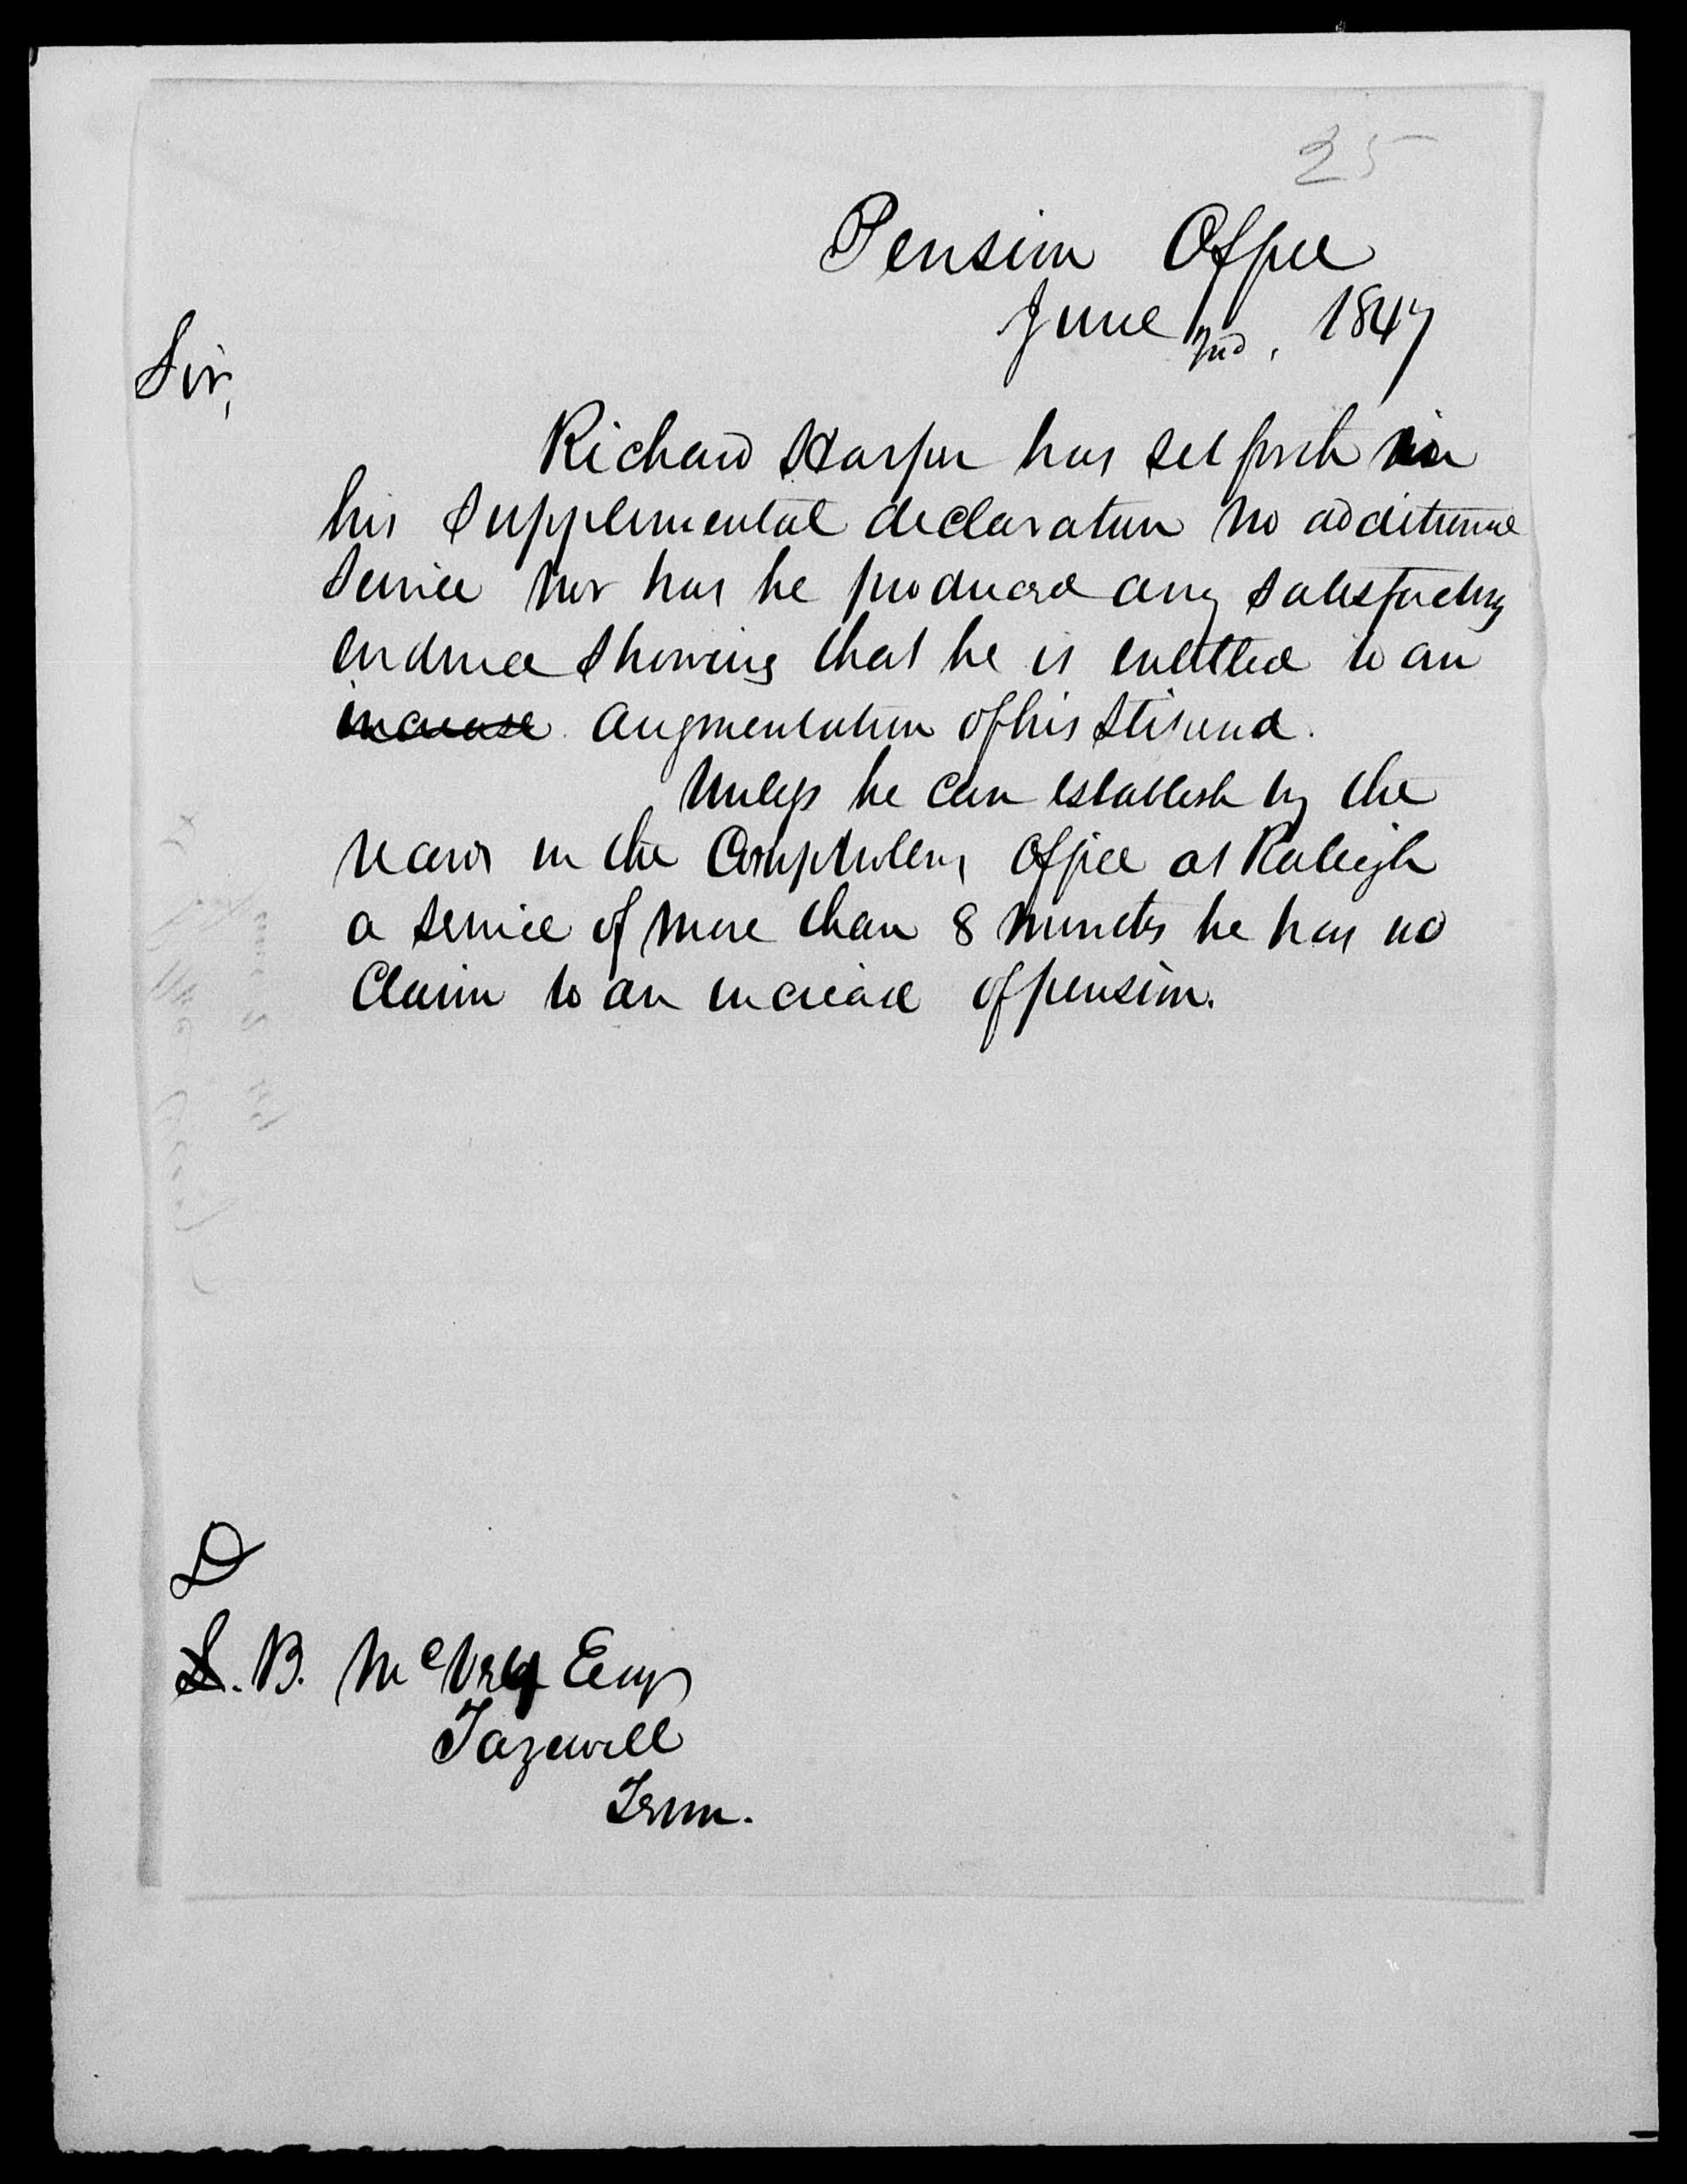Pension Office
June 2nd, 1849

Sir,
Richard Harper has set forth in his supplemental declaration no additional service here nor has he produced any satisfactory evidence showing that he is entitled to an [increase - CROSSED OUT] Augmentation of his stipend.
Unless he can establish by the record in the Comptrollers Office at Raleigh a service of more than 8 months he has no claim to an increase of pension.

D
L. B. McVay Esq
Tazewell
Tenn.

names: Richard Harper, L B Mc Vey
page: 24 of 81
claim: survivor's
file: S. 1908, Richard Harper, N.C.